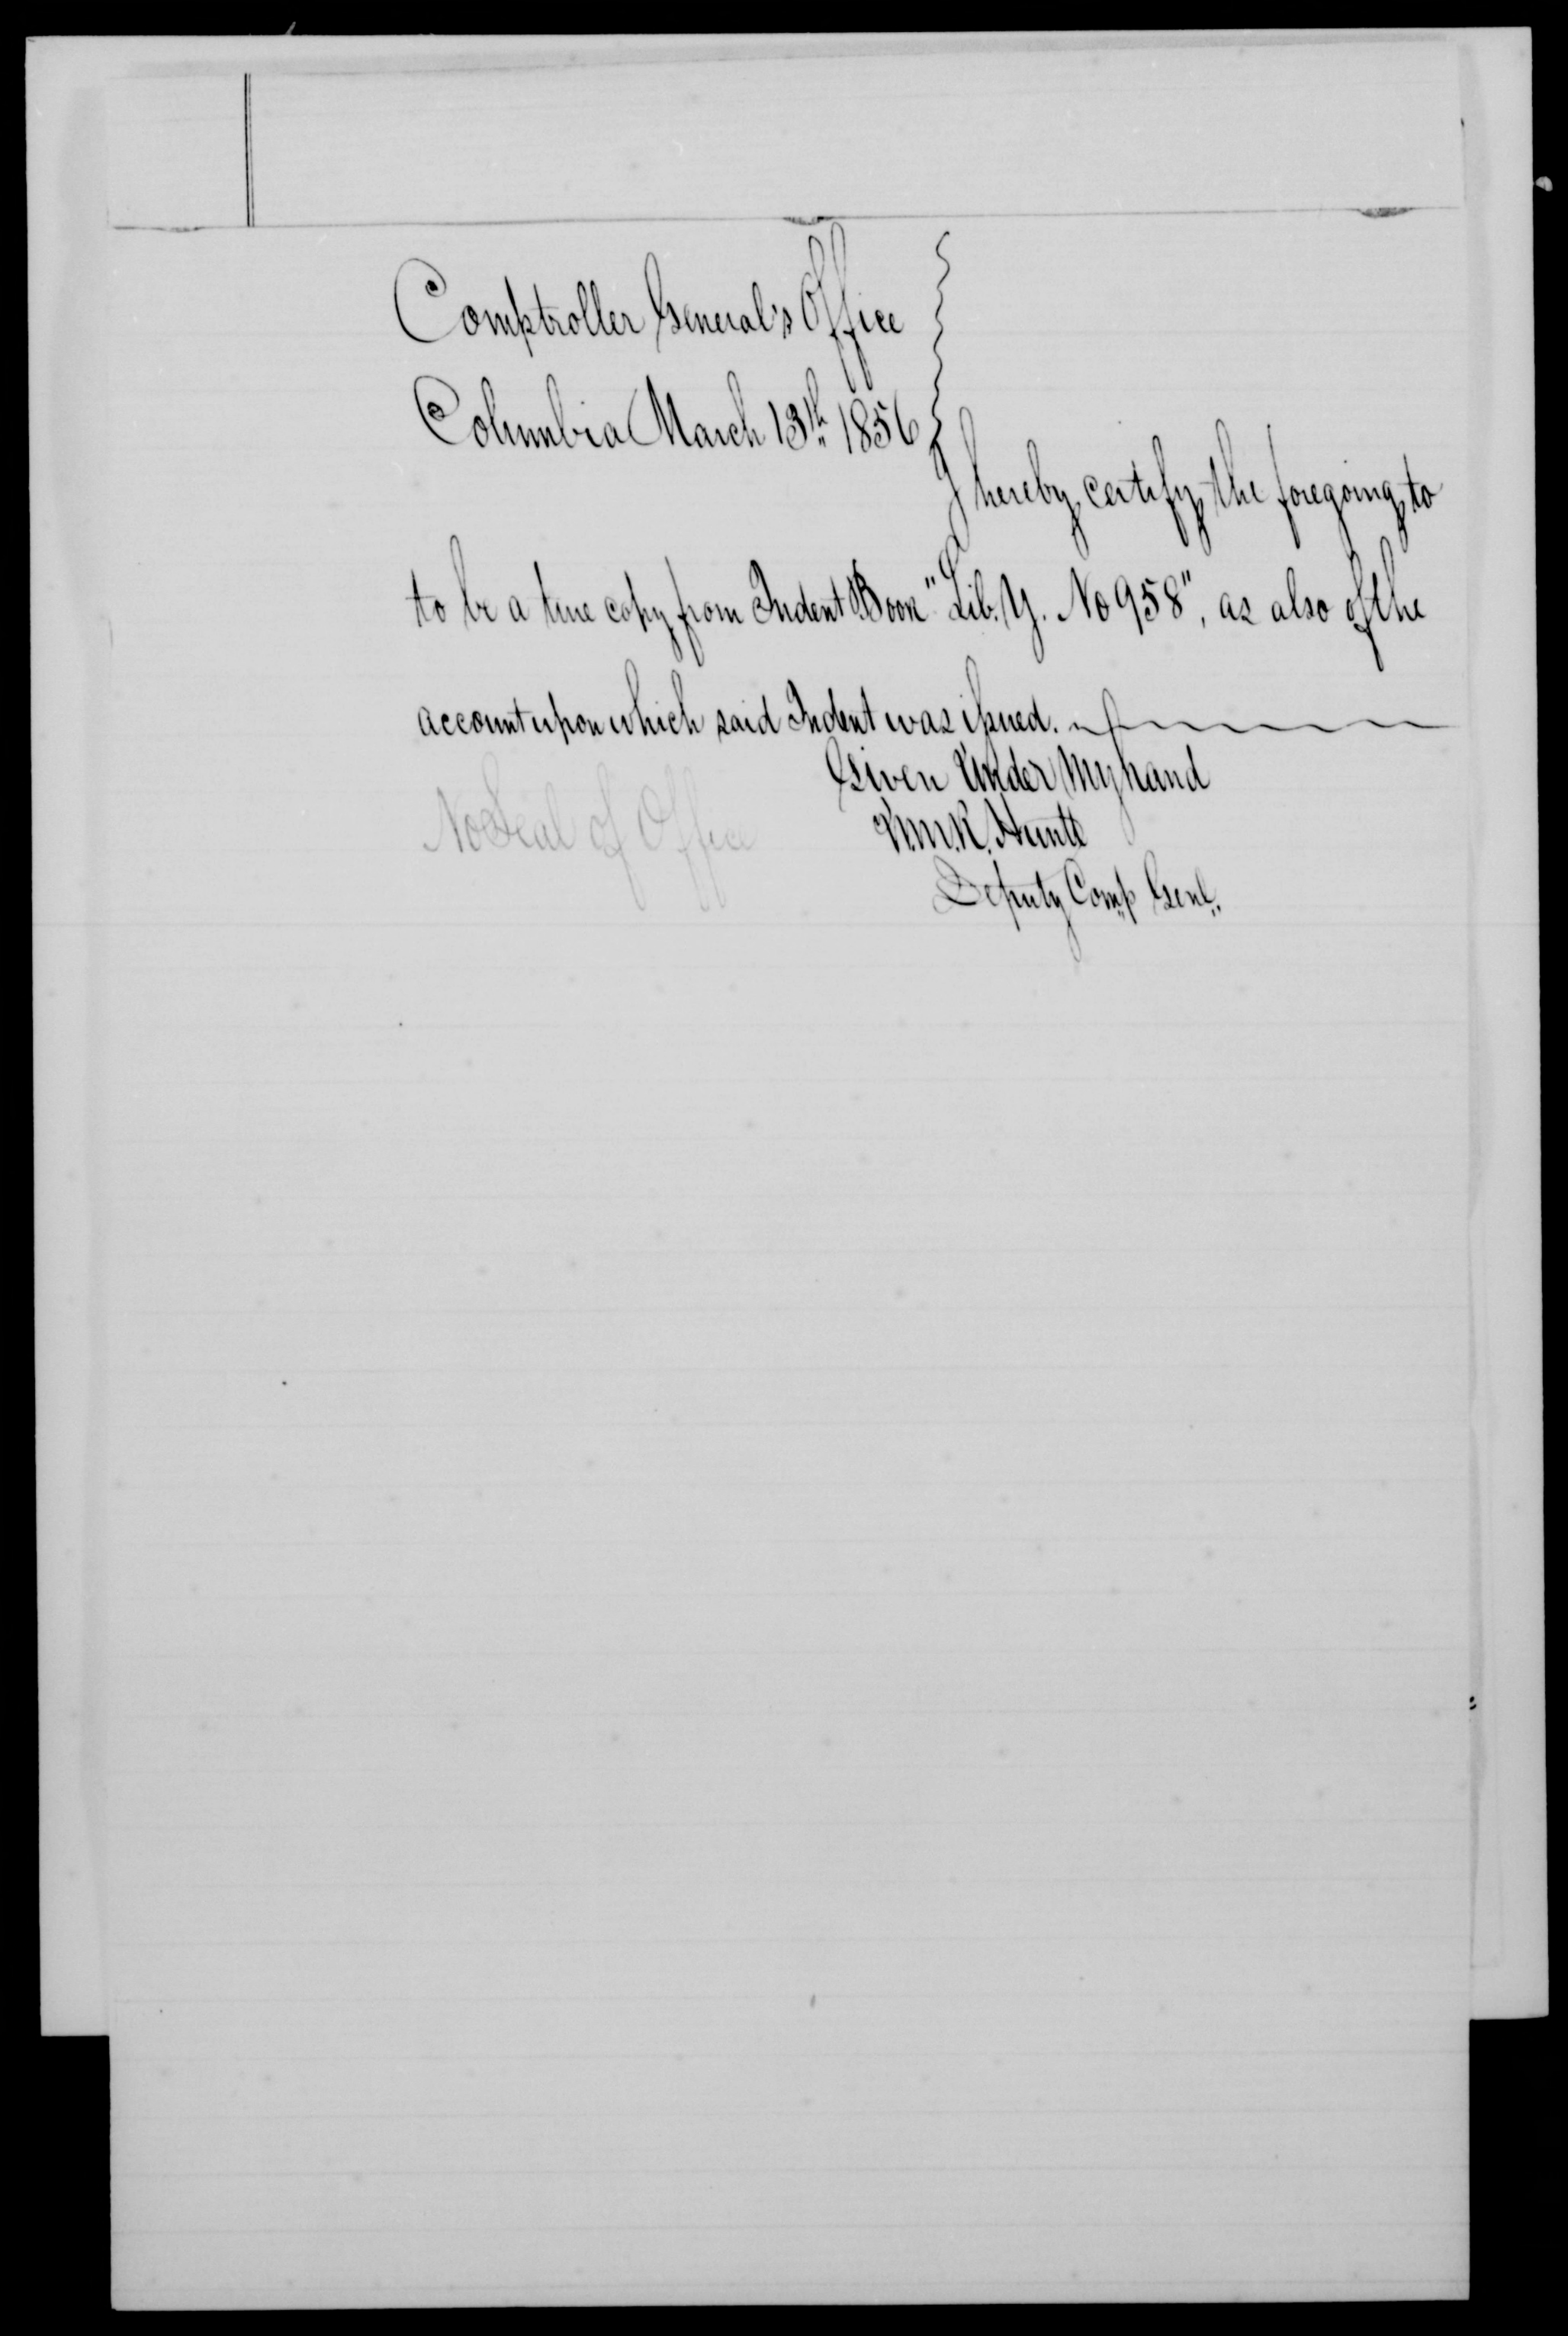Comptroller General's Office
Columbia March 13th 1856
I hereby certify the foregoing to
to be a true copy from Indent Book "Lib. Y. No 958", as also of the
account upon which said Indent was issued.
Given Under my Hand
Wm. R. Huntt
Deputy Comp Genl
No Seal of Office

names: Wm R Huntt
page: 23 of 28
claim: rejected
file: R. 9744, for Robert Smith, South Carolina